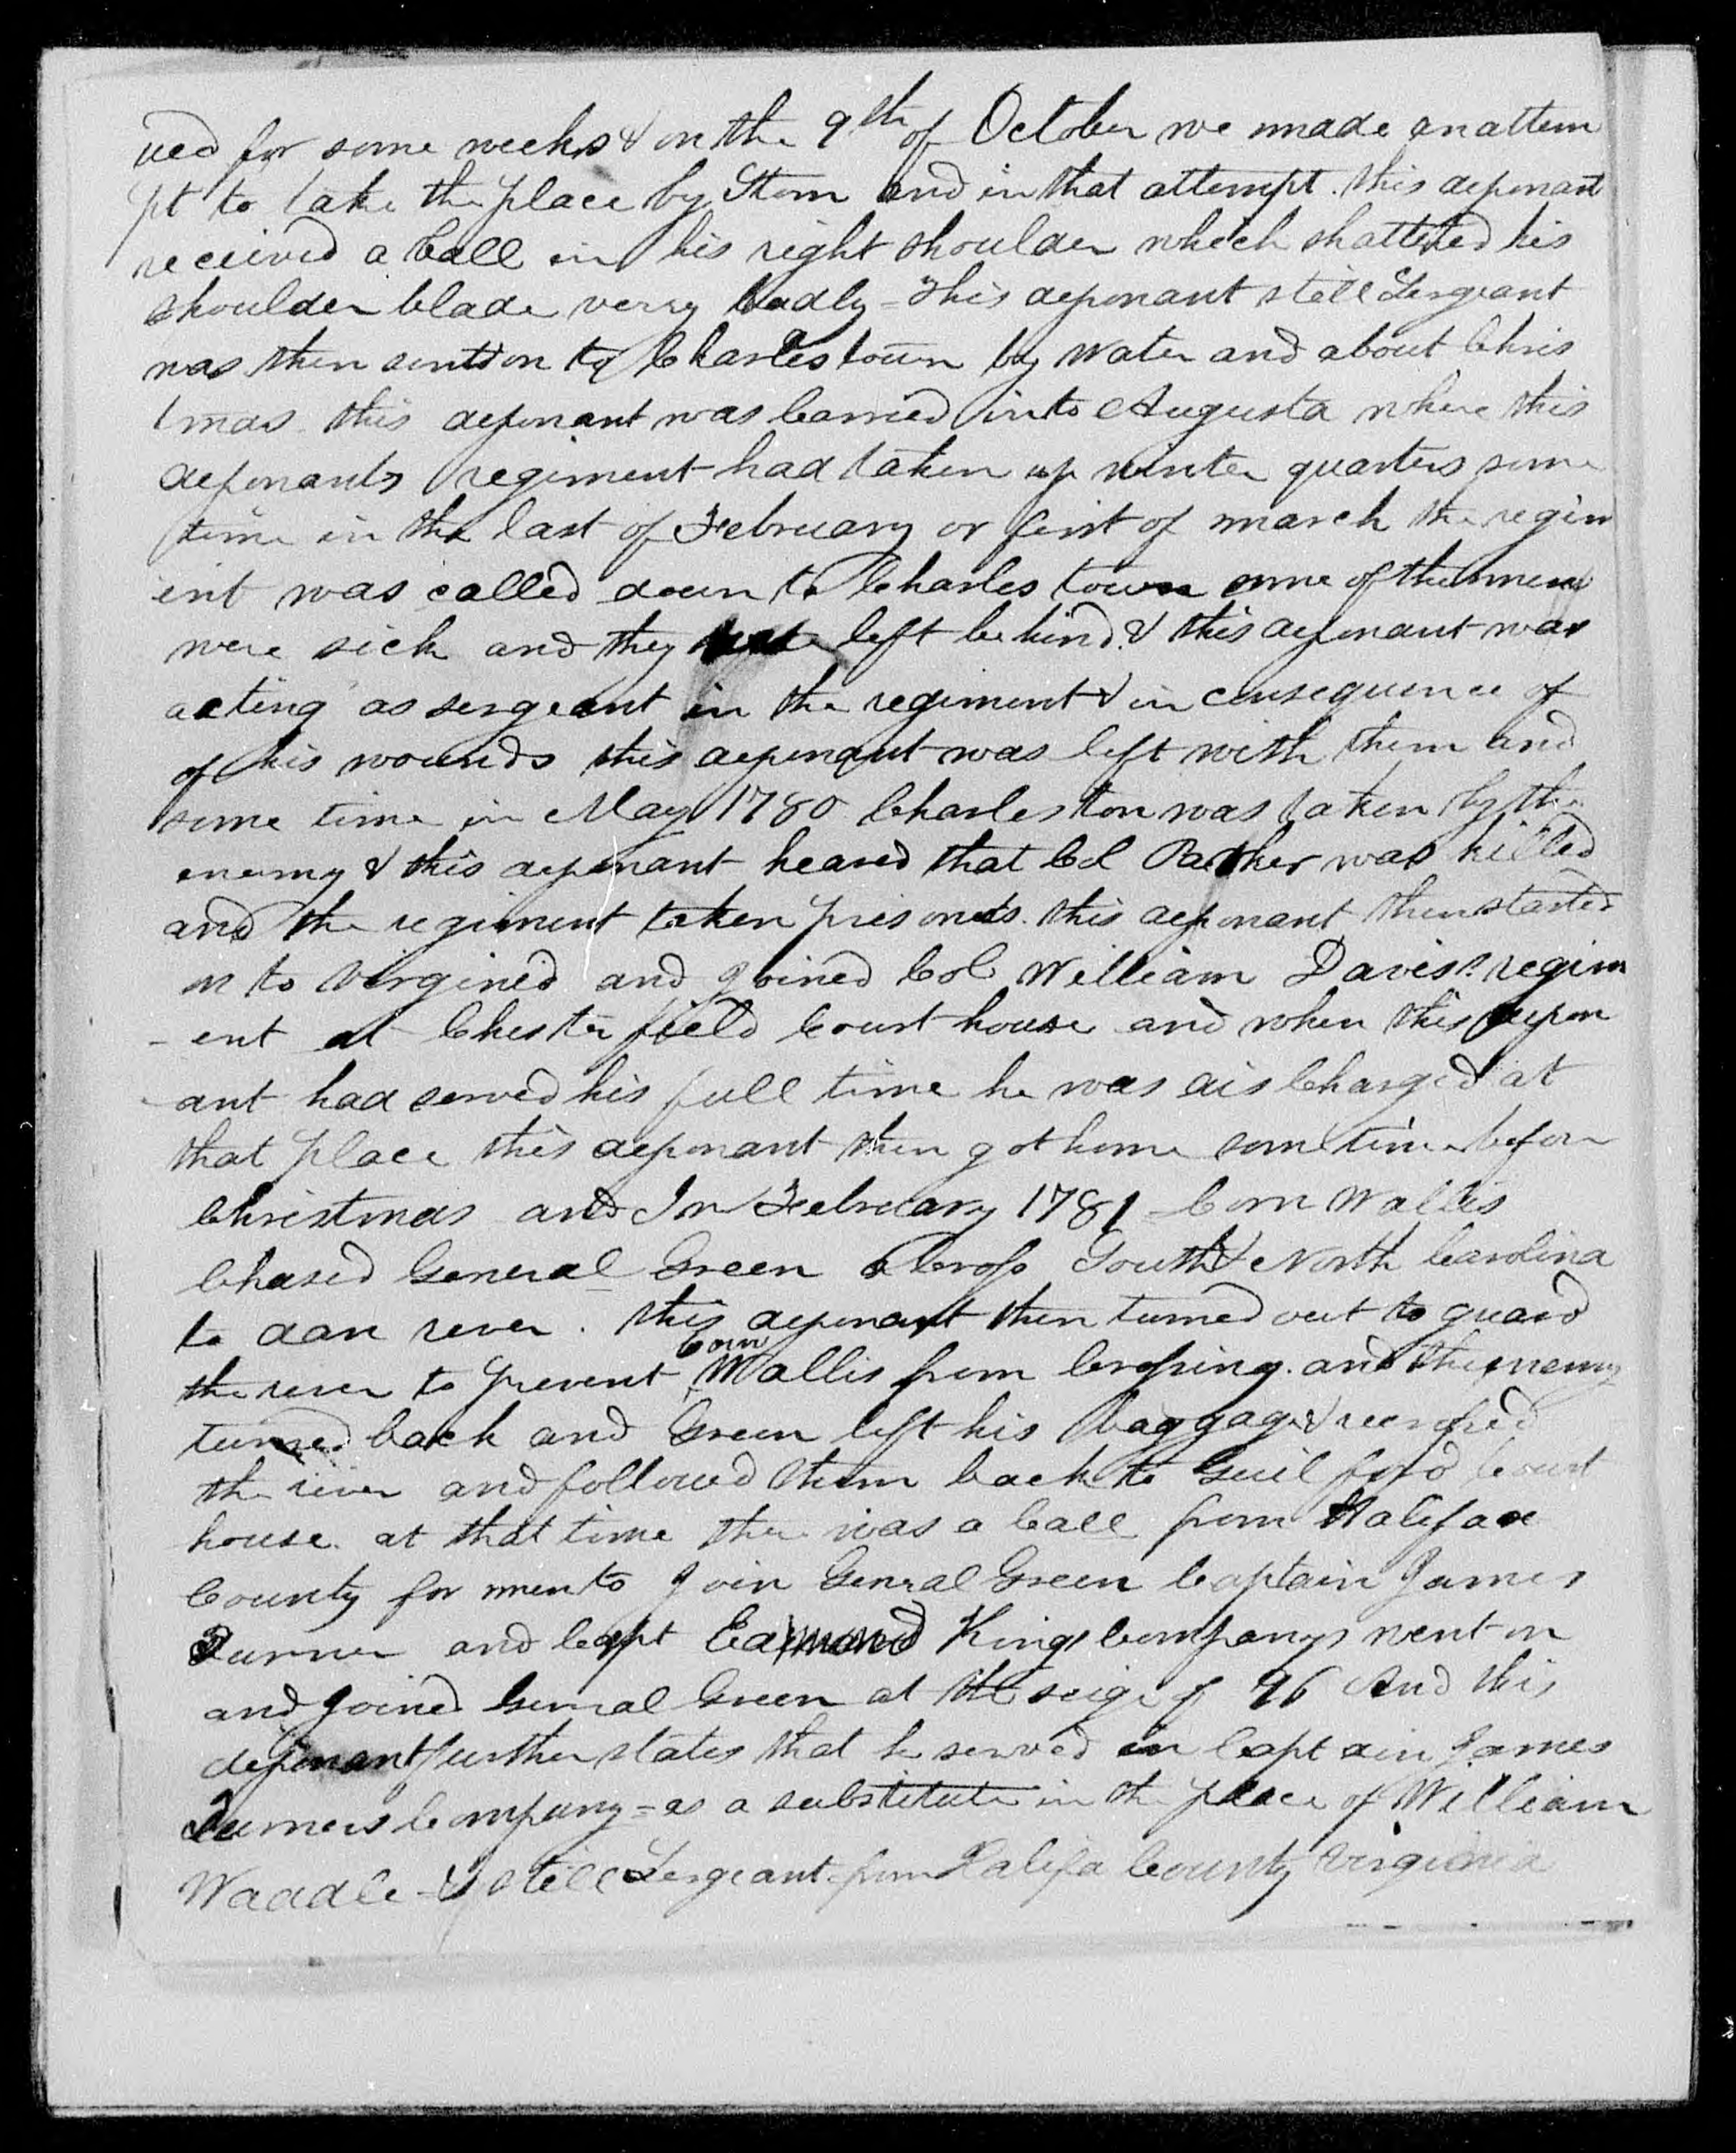[continued from previous page]
for some weeks & on the 9th of October we made an attempt to take the place by them and in that attempt this deponent received a ball in his right shoulder which shattered his shoulder blade very badly - This deponent still Sergeant was then sent on to Charlestown by water and about this was this deponent was Carried into Augusta where this deponents regiment had taken up winter quarters some time in the last of February or first of March the regiment was called down to Charles town some of the men were sick and they were left behind & this deponent was acting as sergeant in the regiment & in consequence of of his wounds this deponent was left with them and some time in May 1780 Charleston was taken by the enemy & this deponent heard that Col Parker was killed and the regiment taken prisoners this deponent then started on to Virginia and joined Col William Davis regiment at Chesterfield Court house and when this deponent had served his full time he was discharged at that place this deponent then got home sometime before Christmas and In February 1781 Cornwallis chased General Green across South & North Carolina to dare river. this deponent then turned out to guard the rive to prevent Cornwallis from crossing and the many times back and Green left his baggage & recrossed the river and followed them back to Guilford Court house. at that time there was a Call from Halifax County for men to join General Green Captain James Turner and Capt Edmond Kings Company went on and joined General Green at the siege of 96 and this deponent further states that he served in Captain James Turners Company as a substitute in the place of William Waddle & still Sergeant from Halifax County Virginia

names: James Turner, Parker, William Waddle, Green, Green, Green, Green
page: 5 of 54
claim: widow's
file: W. 3794, Nathan Formby, Va.